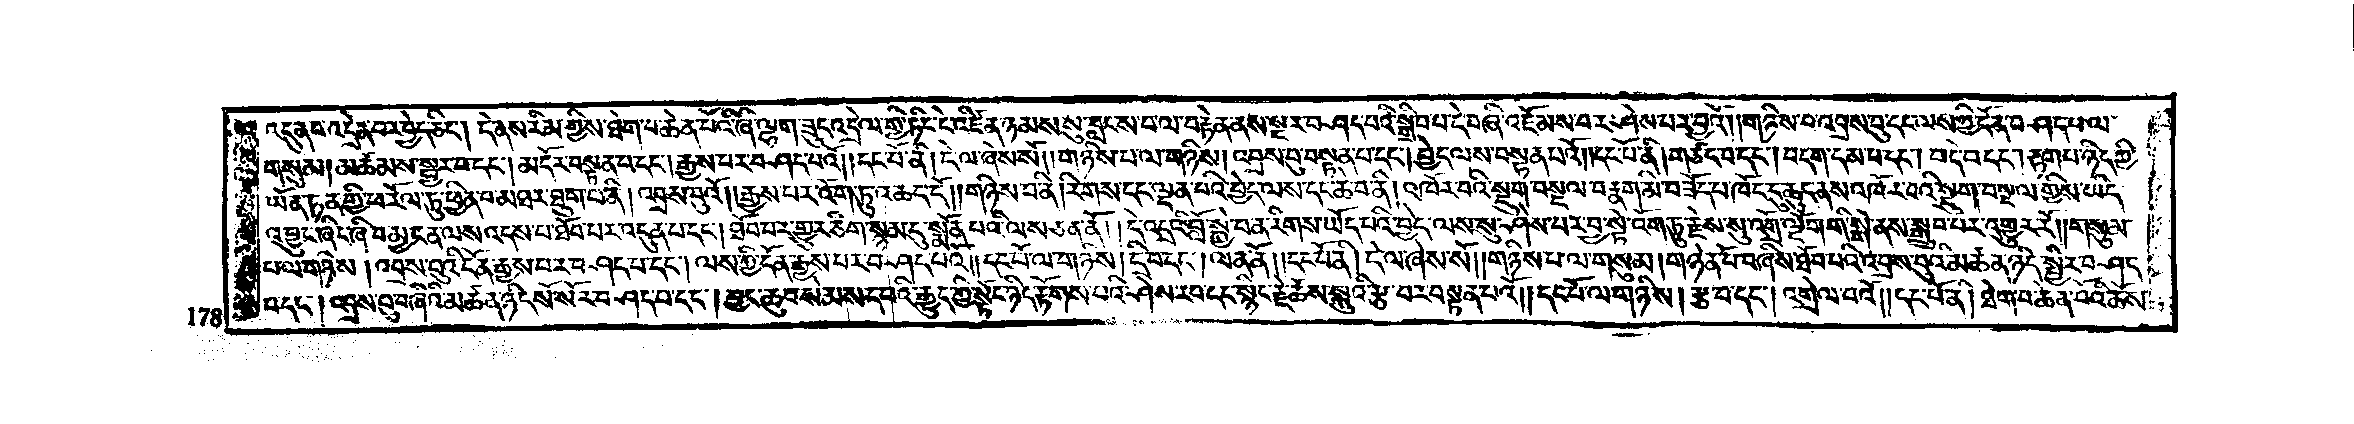འདུན་པ་འདྲེན་པར་བྱེད་ཅིང་། དེ་ནས་རིམ་གྱིས་ཐེག་པ་ཆེན་པོའི་ཞི་ལྷག་ཟུང་འདྲེལ་གྱི་ཏིང་ངེ་འཛིན་ཉམས་སུ་བླངས་པ་ལ་བརྟེན་ནས་སྔར་བཤད་པའི་སྒྲིབ་པས་དེ་བཞིན་འཇོམས་པར་ཤེས་པར་བྱའོ། །གཉིས་པ་འབྲས་བུ་དང་ལས་ཀྱི་དོན་བཤད་པ་ལ་
གསུམ། མཚམས་སྦྱར་བ་དང་། མདོར་བསྟན་པ་དང་། རྒྱས་པར་བཤད་པའོ། །དང་པོ་ནི། དེ་ལ་ཞེས་སོ། །གཉིས་པ་ལ་གཉིས། འབྲས་བུ་བསྟན་པ་དང་། བྱེད་ལས་བསྟན་པའོ། །དང་པོ་ནི། གཙང་བ་དང་། བདག་དམ་པ་དང་། བདེ་བ་དང་། རྟག་པ་ཉིད་ཀྱི་
ཡོན་ཏན་གྱི་ཕ་རོལ་ཏུ་ཕྱིན་པ་མཐར་ཐུག་པ་ནི། འབྲས་བུའོ། །རྒྱས་པར་འོག་ཏུ་འཆད་དོ། །གཉིས་པ་ནི། རིགས་དང་ལྡན་པའི་བྱེད་ལས་དང་ཆེ་བ་ནི། འཁོར་བའི་སྡུག་བསྔལ་བ་རྣག་མི་བཟོད་པ་ཁོང་དུ་ཆུད་ནས་འཁོར་བའི་སྡུག་བསྔལ་གྱིས་ཡིད་
འབྱུང་ཞིང་ཞི་བ་མྱ་ངན་ལས་འདས་པ་ཐོབ་པར་འདུན་པ་དང་། ཐོབ་པར་གྱུར་ཅིག་སྙམ་དུ་སྨོན་པའི་ལས་ཅན་ནོ། །དེ་འདྲའི་བློ་སྐྱེ་བ་ན་རིགས་ཡོད་པའི་བྱེད་ལས་སུ་ཤེས་པར་བྱ་སྟེ་འོག་ཏུ་རྗེས་སུ་འགྲོ་ལྡོག་གི་སྒོ་ནས་སྒྲུབ་པར་འགྱུར་རོ། །གསུམ་
པ་ལ་གཉིས། འབྲས་བུའི་དོན་རྒྱས་པར་བཤད་པ་དང་། ལས་ཀྱི་དོན་རྒྱས་པར་བཤད་པའོ། །དང་པོ་ལ་གཉིས། དྲི་བ་དང་། ལན་ནོ། །དང་པོ་ནི། དེ་ལ་ཞེས་སོ། །གཉིས་པ་ལ་གསུམ། གཉེན་པོ་བཞིས་ཐོབ་པའི་འབྲས་བུའི་མཚན་ཉིད་སྤྱིར་བཤད་
པ་དང་། འབྲས་བུ་བཞིའི་མཚན་ཉིད་སོ་སོར་བཤད་པ་དང་། བྱང་ཆུབ་སེམས་དཔའི་རྒྱུད་ཀྱི་སྟོང་ཉིད་རྟོགས་པའི་ཤེས་རབ་དང་སྙིང་རྗེ་ཆོས་སྐུའི་རྩ་བར་བསྟན་པའོ། །དང་པོ་ལ་གཉིས། རྩ་བ་དང་། འགྲེལ་བའོ། །དང་པོ་ནི། ཐེག་པ་ཆེན་པོའི་ཆོས་